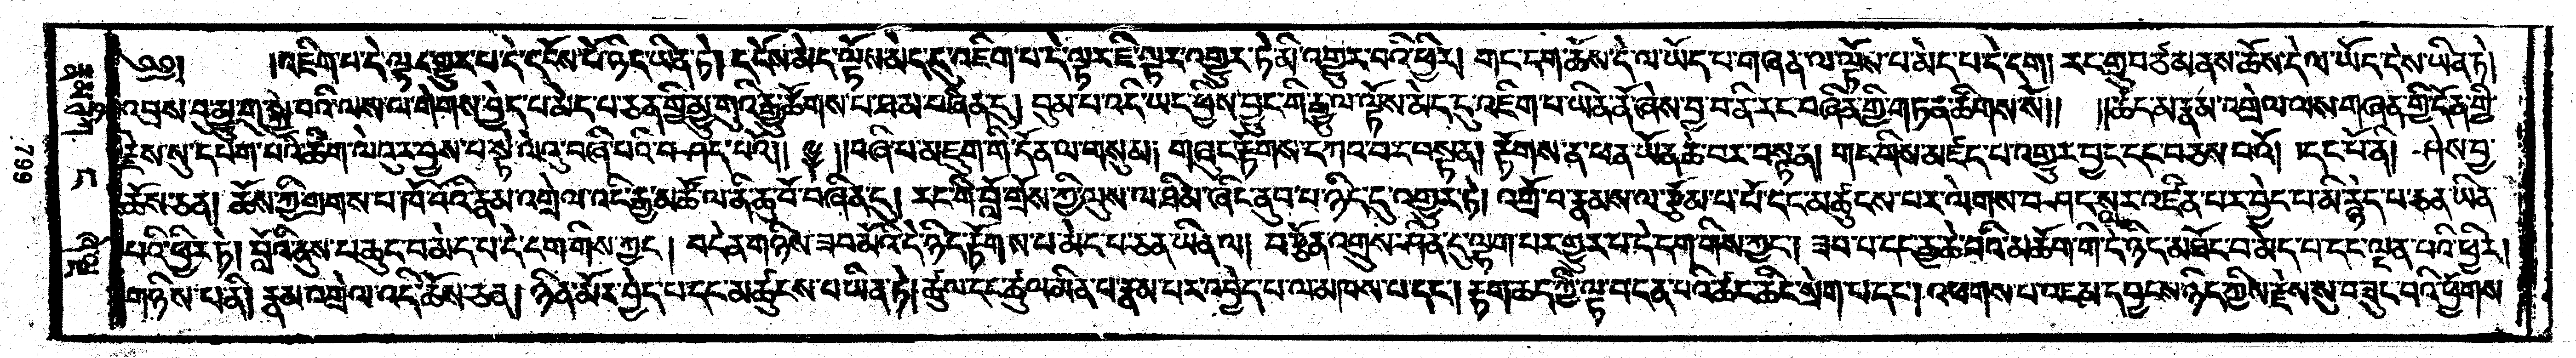༄༅། །འཇིག་པ་དེ་ལྟར་གྱུར་པ་དེ་དངོས་པོ་ཉིད་ཡིན་ཏེ། དངོས་མེད་ལྟོས་མེད་དུ་འཇིག་པ་དེ་ལྟར་ཇི་ལྟར་འགྱུར་ཏེ་མི་འགྱུར་བའི་ཕྱིར། གང་དག་ཆོས་དེ་ལ་ཡོད་པ་གཞན་ལ་ལྟོས་པ་མེད་པ་དེ་དག། རང་གྲུབ་ཙམ་ནས་ཆོས་དེ་ལ་ཡོད་དེས་ཡིན་ཏེ།
འབྲས་བུ་མྱུ་གུ་སྐྱེ་བའི་ལས་ལ་གེགས་བྱེད་པ་མེད་པ་ཅན་གྱི་མྱུ་གུའི་རྒྱུ་ཚོགས་པ་ཐམ་བཞིན་དུ། བུམ་པ་འདི་ཡང་ཕྱིས་བྱུང་གི་རྒྱུ་ལ་ལྟོས་མེད་དུ་འཇིག་པ་ཡིན་ནོ་ཞེས་བྱ་བ་ནི་རང་བཞིན་གྱི་གཏན་ཚིགས་སོ།། །།ཚད་མ་རྣམ་འགྲེལ་ལས་གཞན་གྱི་དོན་གྱི་
རྗེས་སུ་དཔག་པའི་ཚིག་ལེ་འུར་བྱས་པ་སྟེ་ལེའུ་བཞི་པའི་བཤད་པའོ།། ༈ །།བཞི་པ་མཇུག་གི་དོན་ལ་གསུམ། གཞུང་རྟོགས་དཀའ་བར་བསྟན། རྟོགས་ན་ཕན་ཡོན་ཆེ་བར་བསྟན། གང་གིས་མཛད་པ་འགྱུར་བྱང་དང་བཅས་པའོ། །དང་པོ་ནི། ཤེས་བྱ་
ཆོས་ཅན། ཆོས་ཀྱི་གྲགས་པ་ཁོ་བོའི་རྣམ་འགྲེལ་འདི་རྒྱ་མཚོ་ལ་ནི་ཆུ་བོ་བཞིན་དུ། རང་གི་བློ་གྲོས་ཀྱི་ལུས་ལ་ཐིམ་ཞིང་ནུབ་པ་ཉིད་དུ་འགྱུར་ཏེ། འགྲོ་བ་རྣམས་ལ་རྩོམ་པ་པོ་དང་མཚུངས་པར་ལེགས་བཤད་སླར་འཛིན་པར་བྱེད་པ་མི་རྙེད་པ་ཅན་ཡིན་
པའི་ཕྱིར་ཏེ། བློའི་ནུས་པ་ཆུང་བ་མེད་པ་དེ་དག་གིས་ཀྱང་། བདེན་གཉིས་ཟབ་མོའི་དེ་ཉིད་རྟོགས་པ་མེད་པ་ཅན་ཡིན་ལ། བརྩོན་འགྲུས་ཤིན་དུ་ལྟག་པར་གྱུར་པ་དེ་དག་གིས་ཀྱང་། ཟབ་པ་དང་རྒྱ་ཆེ་བའི་མཆོག་གི་དེ་ཉིད་མཐོང་བ་མེད་པ་དང་ལྡན་པའི་ཕྱིར།
གཉིས་པ་ནི། རྣམ་འགྲེལ་འདི་ཆོས་ཅན། ཉིན་མོར་བྱེད་པ་དང་མཚུངས་པ་ཡིན་ཏེ། ཚུལ་དང་ཚུལ་མིན་པ་རྣམ་པར་འབྱེད་པ་ལ་མཁས་པ་དང་། རྟག་ཆད་ཀྱི་ལྟ་བ་དན་པའི་ཚང་ཆིང་སྲེག་པ་དང་། འཕགས་པ་འཇམ་དབྱངས་ཉིད་ཀྱིས་རྗེས་སུ་བཟུང་བའི་ཕྱོགས་